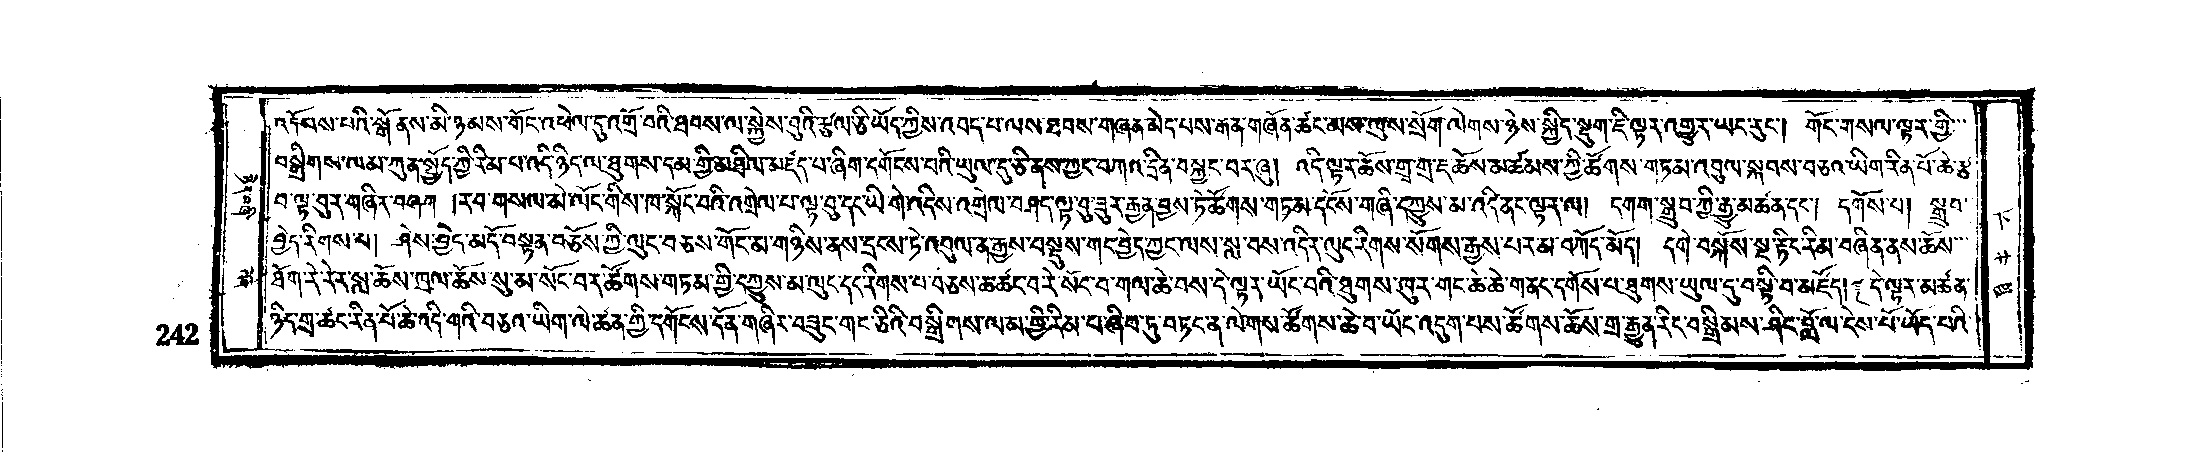འདོབས་པའི་སྒོ་ནས་མི་ཉམས་གོང་འཕེལ་དུ་འགྲོ་བའི་ཐབས་ལ་སྐྱེས་བུའི་རྩལ་ཅི་ཡོད་ཀྱིས་འབད་པ་ལས་ཐབས་གཞན་མེད་པས་རྒན་གཞོན་ཚང་མས་ཁུས་སྲོག་ལེགས་ཉེས་སྐྱིད་སྡུག་ཇི་ལྟར་འགྱུར་ཡང་རུང་། གོང་གསལ་ལྟར་གྱི་
བསྒྲིགས་ལམ་ཀུན་སྤྱོད་ཀྱི་རིམ་པ་འདི་ཉིད་ལ་ཐུགས་དམ་གྱི་མཐིལ་མཛད་པ་ཞིག་དགོངས་པའི་ཡུལ་དུ་ཅི་ནས་ཀྱང་བཀའ་དྲིན་བསྐྱང་བར་ཞུ། འདི་ལྟར་ཆོས་གྲྭ་གྲ་ཇ་ཆོས་མཚམས་ཀྱི་ཚོགས་གཏམ་འབུལ་སྐབས་བཅའ་ཡིག་རིན་པོ་ཆེ་རྩ་
བ་ལྟ་བུར་གཞིར་བཞག །རབ་གསལ་མེ་ལོང་གིས་ཁ་སྐོང་བའི་འགྲེལ་པ་ལྟ་བུ་དང་ཡི་གེ་འདིས་འགྲེལ་བཤད་ལྟ་བུ་ཟུར་རྒྱན་བྱས་ཏེ་ཚོགས་གཏམ་དངོས་གཞི་དཀྱུས་མ་འདི་ནང་ལྟར་ལ། དགག་སྒྲུབ་ཀྱི་རྒྱུ་མཚན་དང་། དགོས་པ། སྒྲུབ་
བྱེད་རིགས་པ། ཤེས་བྱེད་མདོ་བསྟན་བཅོས་ཀྱི་ལུང་བཅས་གོང་མ་གཉིས་ནས་དྲངས་ཏེ་འབུལ་ན་རྒྱས་བསྡུས་གང་བྱེད་ཀྱང་ལས་སླ་བས་འདིར་ལུང་རིགས་སོགས་རྒྱས་པར་མ་བཀོད་མོད། དགེ་བསྐོས་སྔ་རྟིང་རིམ་བཞིན་ནས་ཆོས་
ཐོག་རེ་རེར་སླ་ཆོས་ཁྲལ་ཆོས་སུ་མ་སོང་བར་ཚོགས་གཏམ་གྱི་དཀྱུས་མ་ལུང་དང་རིགས་པ་བཅས་ཆ་ཚང་བ་རེ་སོང་བ་གལ་ཆེ་བས་དེ་ལྟར་ཡོང་བའི་ཐུགས་ཁུར་གང་ཆེ་ཆེ་གནང་དགོས་པ་ཐུགས་ཡུལ་དུ་བསྟི་བ་མཛོད། ༈ དེ་ལྟར་མཚན་
ཉིད་གྲ་ཚང་རིན་པོ་ཆེ་འདི་གའི་བཅའ་ཡིག་ལེ་ཚན་གྱི་དགོངས་དོན་གཞིར་བཟུང་གང་ཅིའི་བསྒྲིགས་ལམ་གྱི་རིམ་པ་ཞིབ་ཏུ་བཏང་ན་ལེགས་ཚོགས་ཆེ་བ་ཡོང་འདུག་པས་ཚོགས་ཆོས་གྲ་རྒྱུན་རིང་བསྒྲིམས་ཤིང་བློ་ལ་ངེས་པ་ཡོད་པའི་